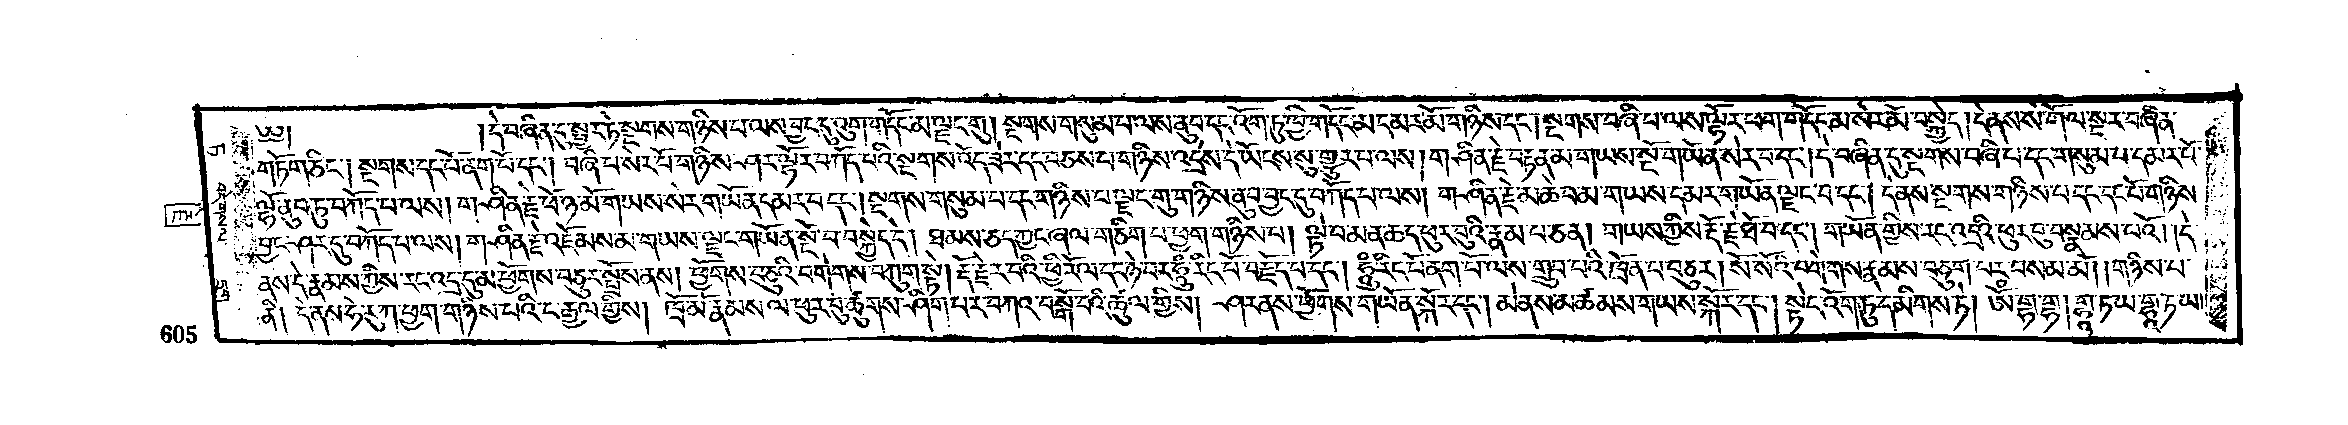༄༅། །དེ་བཞིན་དུ་སྦྱར་ཏེ་སྔགས་གཉིས་པ་ལས་བྱང་དུ་འུག་གདོང་མ་ལྗང་གུ། སྔགས་གསུམ་པ་ལས་ནུབ་དང་འོག་ཏུ་ཁྱི་གདོང་མ་དམར་མོ་གཉིས་དང་། སྔགས་བཞི་པ་ལས་ལྷོར་ཕག་གདོང་མ་སེར་མོ་བསྐྱེད། དེ་ནས་སེ་གོལ་སྔར་བཞིན་
གཏོག་ཅིང་། སྔགས་དང་པོ་ནག་པོ་དང་། བཞི་པ་སེར་པོ་གཉིས་ཤར་ལྷོར་བཀོད་པའི་སྔགས་འོད་ཟེར་དང་བཅས་པ་གཉིས་འདྲེས་དེ་ཡོངས་སུ་གྱུར་པ་ལས། གཤིན་རྗེ་བརྟན་མ་གཡས་སྔོ་གཡོན་སེར་བ་དང་། དེ་བཞིན་དུ་སྔགས་བཞི་པ་དང་གསུམ་པ་དམར་པོ་
ལྷོ་ནུབ་ཏུ་བཀོད་པ་ལས། གཤིན་རྗེ་ཕོ་ཉ་མོ་གཡས་སེར་གཡོན་དམར་བ་དང་། སྔགས་གསུམ་པ་དང་གཉིས་པ་ལྗང་གུ་གཉིས་ནུབ་བྱང་དུ་བཀོད་པ་ལས། གཤིན་རྗེ་མཆེ་བ་མ་གཡས་དམར་གཡོན་ལྗང་བ་དང་། དེ་ནས་སྔགས་གཉིས་པ་དང་དང་པོ་གཉིས་
བྱང་ཤར་དུ་བཀོད་པ་ལས། གཤིན་རྗེ་འཇོམས་མ་གཡས་ལྗང་གཡོན་སྔོ་བ་བསྐྱེད་དེ། ཐམས་ཅད་ཀྱང་ཞལ་གཅིག་པ་ཕྱག་གཉིས་པ། ལྟེ་བ་མན་ཆད་ཕུར་བུའི་རྣམ་པ་ཅན། གཡས་ཀྱིས་རྡོ་རྗེ་ཐོ་བ་དང་། གཡོན་གྱིས་རང་འདྲའི་ཕུར་བུ་བསྣམས་པའོ། །དེ་
ནས་དེ་རྣམས་ཀྱིས་རང་འདྲ་དུ་མ་ཕྱོགས་བཅུར་སྤྲོས་ནས། ཕྱོགས་བཅུའི་བགེགས་བཀུག་སྟེ། རྡོ་རྗེ་ར་བའི་ཕྱི་རོལ་དང་ཉེ་བར་ཧཱུཾ་རིང་པོ་བརྗོད་པ་དང་། ཧཱུཾ་རིང་པོ་ནག་པོ་ལས་གྲུབ་པའི་ཁྲོན་པ་བཅུར། སོ་སོའི་བགེགས་རྣམས་བཅུག་པར་བསམ་མོ། །གཉིས་པ་
ནི། དེ་ནས་ཧེ་རུ་ཀ་ཕྱག་གཉིས་པའི་ང་རྒྱལ་གྱིས། ཁྲོ་མོ་རྣམས་ལ་ཕུར་བུ་ཚུགས་ཤིག་པར་བཀའ་བསྒོ་བའི་ཚུལ་གྱིས། ཤར་ནས་ཕྱོགས་གཡོན་སྐོར་དང་། མེ་ནས་མཚམས་གཡས་སྐོར་དང་། སྟེང་འོག་ཏུ་དམིགས་ཏེ། ཨོཾ་གྷ་གྷ། གྷཱ་ཏ་ཡ་གྷཱ་ཏ་ཡ།